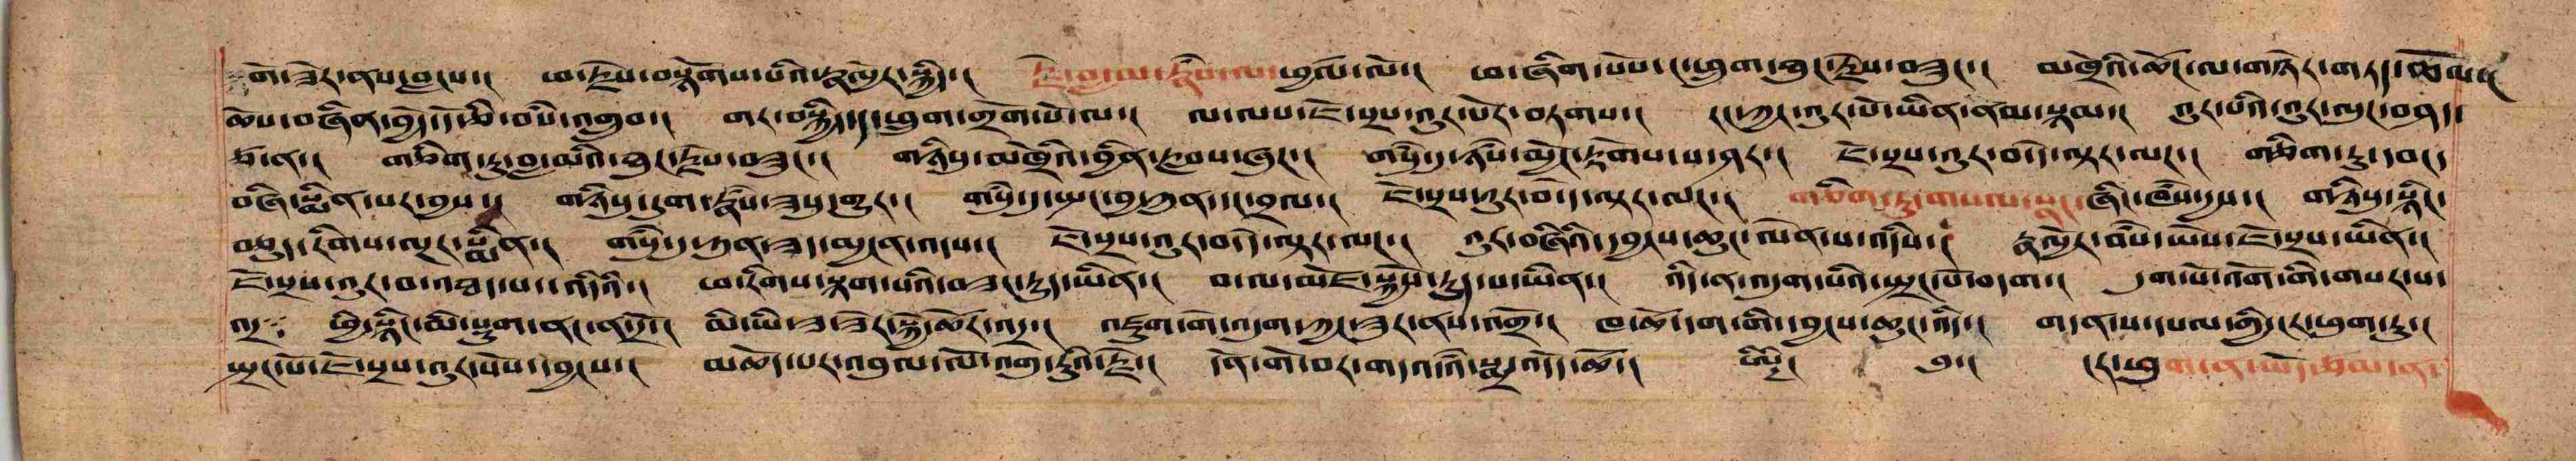གོ་ཟེར་ནས་བླངས།། ཕ་རྗེས་བསྙོགས་པའི་རྣལ་འབྱོར་སྐྱིད།། རྗེ་བླ་མ་རྣམས་ལ་ཕྱག་འཚལ་ལོ།། ཕ་ཞིག་པོས་ང་ཕྲུག་ཐུགས་རྗེས་བཟུང་།། མཁའ་འགྲོའི་ཚོགས་ལ་གཉེར་གཏད་ཆོལ།། 
ཆོས་བཞིན་བྱེད་དོ་ཅི་བསམ་འགྲུབ།། གར་སྐྱིད་ད་ཕྲུག་གྲོག་པོ་ལ།། ལ་ལས་ཇོ་སྲས་འུར་པོ་བཏགས།། རང་ཀྱང་འུར་པོ་ཡིན་ནམ་སྙམ།། འུར་པའི་འུར་ལུགས་བཤད་
ཙ་ན།། གཅིག་ཏུ་བླ་མའི་ཐུགས་རྗེ་བཟུང་།། གཉིས་སུ་མཁའ་འགྲོའི་བྱིན་རླབས་ཞུགས།། གསུམ་དུ་ཉམས་མྱོང་རྟོགས་པ་ཤར།། ཇོ་སྲས་འུར་བ་དེ་ལྟར་ལགས།། གཅིག་ཏུ་དབང་
བཞི་སྨིན་པར་བྱས།། གཉིས་སུ་དུག་རྣམས་ཟས་སུ་གྱུར།། གསུམ་དུ་སྤང་བྱ་ཀུན་དང་བྲལ།། ཇོ་སྲས་འུར་བ་དེ་ལྟར་ལགས།། གཅིག་ཏུ་གསལ་སྣང་ཞིང་ཁམས་རྒྱས།། གཉིས་སུ་སྙིང་
བཅུད་རིགས་ལྔར་སྨིན།། གསུམ་དུ་ཀུན་ཟད་མྱ་ངན་འདས།། ཇོ་སྲས་འུར་བ་དེ་ལྟར་ལགས།། འུར་བཞིའི་དབྱངས་ཆུང་ལེན་པ་འདིས།། རྣལ་འབྱོར་བསམ་ཡེས་ཇོ་སྲས་ཡིན།། 
ཇོ་སྲས་འུར་བ་འཐད་པ་འདིའི།། ཕ་རིགས་སྙག་པའི་བཟང་རྒྱུད་ཡིན།། བ་ལ་མཛེ་སྐྱེས་རྒྱུད་པ་ཡིན།། འདི་ན་འདུག་པའི་སྤྲང་པོ་བདག། དུག་པོ་འོག་གི་གསར་པ་
འདྲ།། ཕྱི་སྙིང་མི་སྡུག་ནང་ན་དྲོ།། མི་ཡི་ཟ་ཟེར་སྐྱེ་ཚེར་འདྲ།། འཛུག་གོ་འདུག་ཀྱང་ཟུར་ནས་འགྲོ།། ཁ་ཚེ་དག་གི་དབྱངས་ཆུང་འདི།། གདན་ས་དཔལ་གྱི་ངར་ཕུག་ཏུ།། 
སྤྲང་པོ་ཇོ་སྲས་འུར་པོས་དབྱངས།། མཆོད་པར་འབུལ་ལོ་འགུ་རུའི་རྗེ།། དོན་གོ་བར་གདའ་འམ་སྨྲ་འདོད་ཚོ།། ཨི་ཊི།། ༄་། ངར་ཕུག་ན་ཡོད་ཙམ་ན་